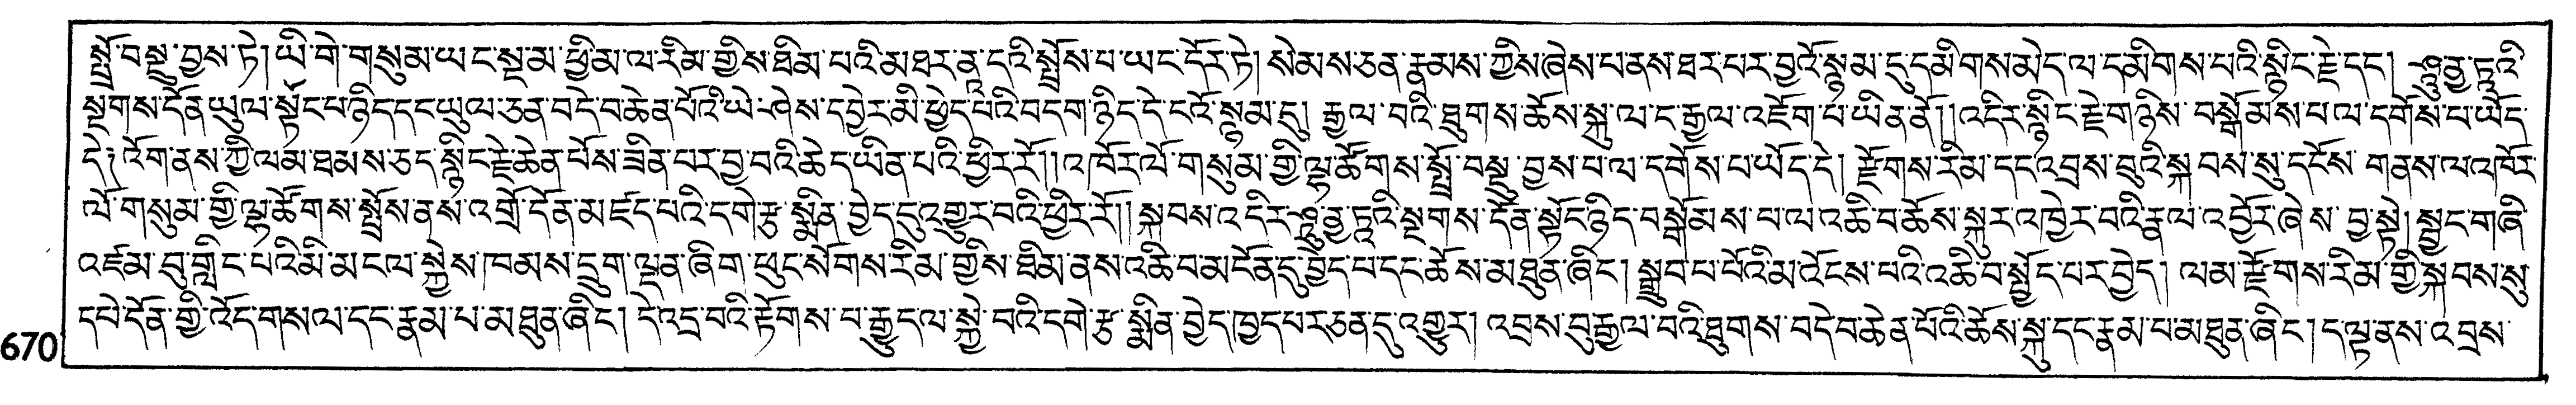སྤྲོ་བསྡུ་བྱས་ཏེ། ཡི་གེ་གསུམ་ཡང་སྔ་མ་ཕྱི་མ་ལ་རིམ་གྱིས་ཐིམ་པའི་མཐར་ནཱ་དའི་སྤྲོས་པ་ཡང་དོར་ཏེ། སེམས་ཅན་རྣམས་ཀྱིས་ཞེས་པ་ནས་ཐར་པར་བྱའོ་སྙམ་དུ་དམིགས་མེད་ལ་དམིགས་པའི་སྙིང་རྗེ་དང་། ཤཱུ་ནྱ་ཏཱའི་
སྔགས་དོན་ཡུལ་སྟོང་པ་ཉིད་དང་ཡུལ་ཅན་བདེ་བ་ཆེན་པོའི་ཡེ་ཤེས་དབྱེར་མི་ཕྱེད་པའི་བདག་ཉིད་དེ་ངའོ་སྙམ་དུ། རྒྱལ་བའི་ཐུགས་ཆོས་སྐུ་ལ་ང་རྒྱལ་འཇོག་པ་ཡིན་ནོ། །འདིར་སྙིང་རྗེ་གཉིས་བསྒོམས་པ་ལ་དགོས་པ་ཡོད་
དེ༑ འོག་ནས་ཀྱི་ལམ་ཐམས་ཅད་སྙིང་རྗེ་ཆེན་པོས་ཟིན་པར་བྱ་བའི་ཆེད་ཡིན་པའི་ཕྱིར་རོ། །འཁོར་ལོ་གསུམ་གྱི་ལྷ་ཚོགས་སྤྲོ་བསྡུ་བྱས་པ་ལ་དགོས་པ་ཡོད་དེ། རྫོགས་རིམ་དང་འབྲས་བུའི་སྐབས་སུ་དངོས་གནས་ལ་འཁོར་
ལོ་གསུམ་གྱི་ལྷ་ཚོགས་སྤྲོས་ནས་འགྲོ་དོན་མཛད་པའི་དགེ་རྩ་སྨིན་བྱེད་དུ་འགྱུར་བའི་ཕྱིར་རོ། །སྐབས་འདིར་ཤཱུ་ནྱ་ཏཱའི་སྔགས་དོན་སྟོང་ཉིད་བསྒོམས་པ་ལ་འཆི་བ་ཆོས་སྐུར་འཁྱེར་བའི་རྣལ་འབྱོར་ཞེས་བྱ་སྟེ། སྦྱང་གཞི་
འཛམ་བུ་གླིང་པའི་མི་མངལ་སྐྱེས་ཁམས་དྲུག་ལྡན་ཞིག་ཕུང་སོགས་རིམ་གྱིས་ཐིམ་ནས་འཆི་བ་མངོན་དུ་བྱེད་པ་དང་ཆོས་མཐུན་ཞིང་། སྒྲུབ་པ་པོའི་མ་འོངས་པའི་འཆི་བ་སྤྱོད་པར་བྱེད། ལམ་རྫོགས་རིམ་གྱི་སྐབས་སུ་
དཔེ་དོན་གྱི་འོད་གསལ་དང་རྣམ་པ་མཐུན་ཞིང་། དེ་འདྲ་བའི་རྟོགས་པ་རྒྱུད་ལ་སྐྱེ་བའི་དགེ་རྩ་སྨིན་བྱེད་ཁྱད་པར་ཅན་དུ་འགྱུར། འབྲས་བུ་རྒྱལ་བའི་ཐུགས་བདེ་བ་ཆེན་པོའི་ཆོས་སྐུ་དང་རྣམ་པ་མཐུན་ཞིང་། ད་ལྟ་ནས་འབྲས་